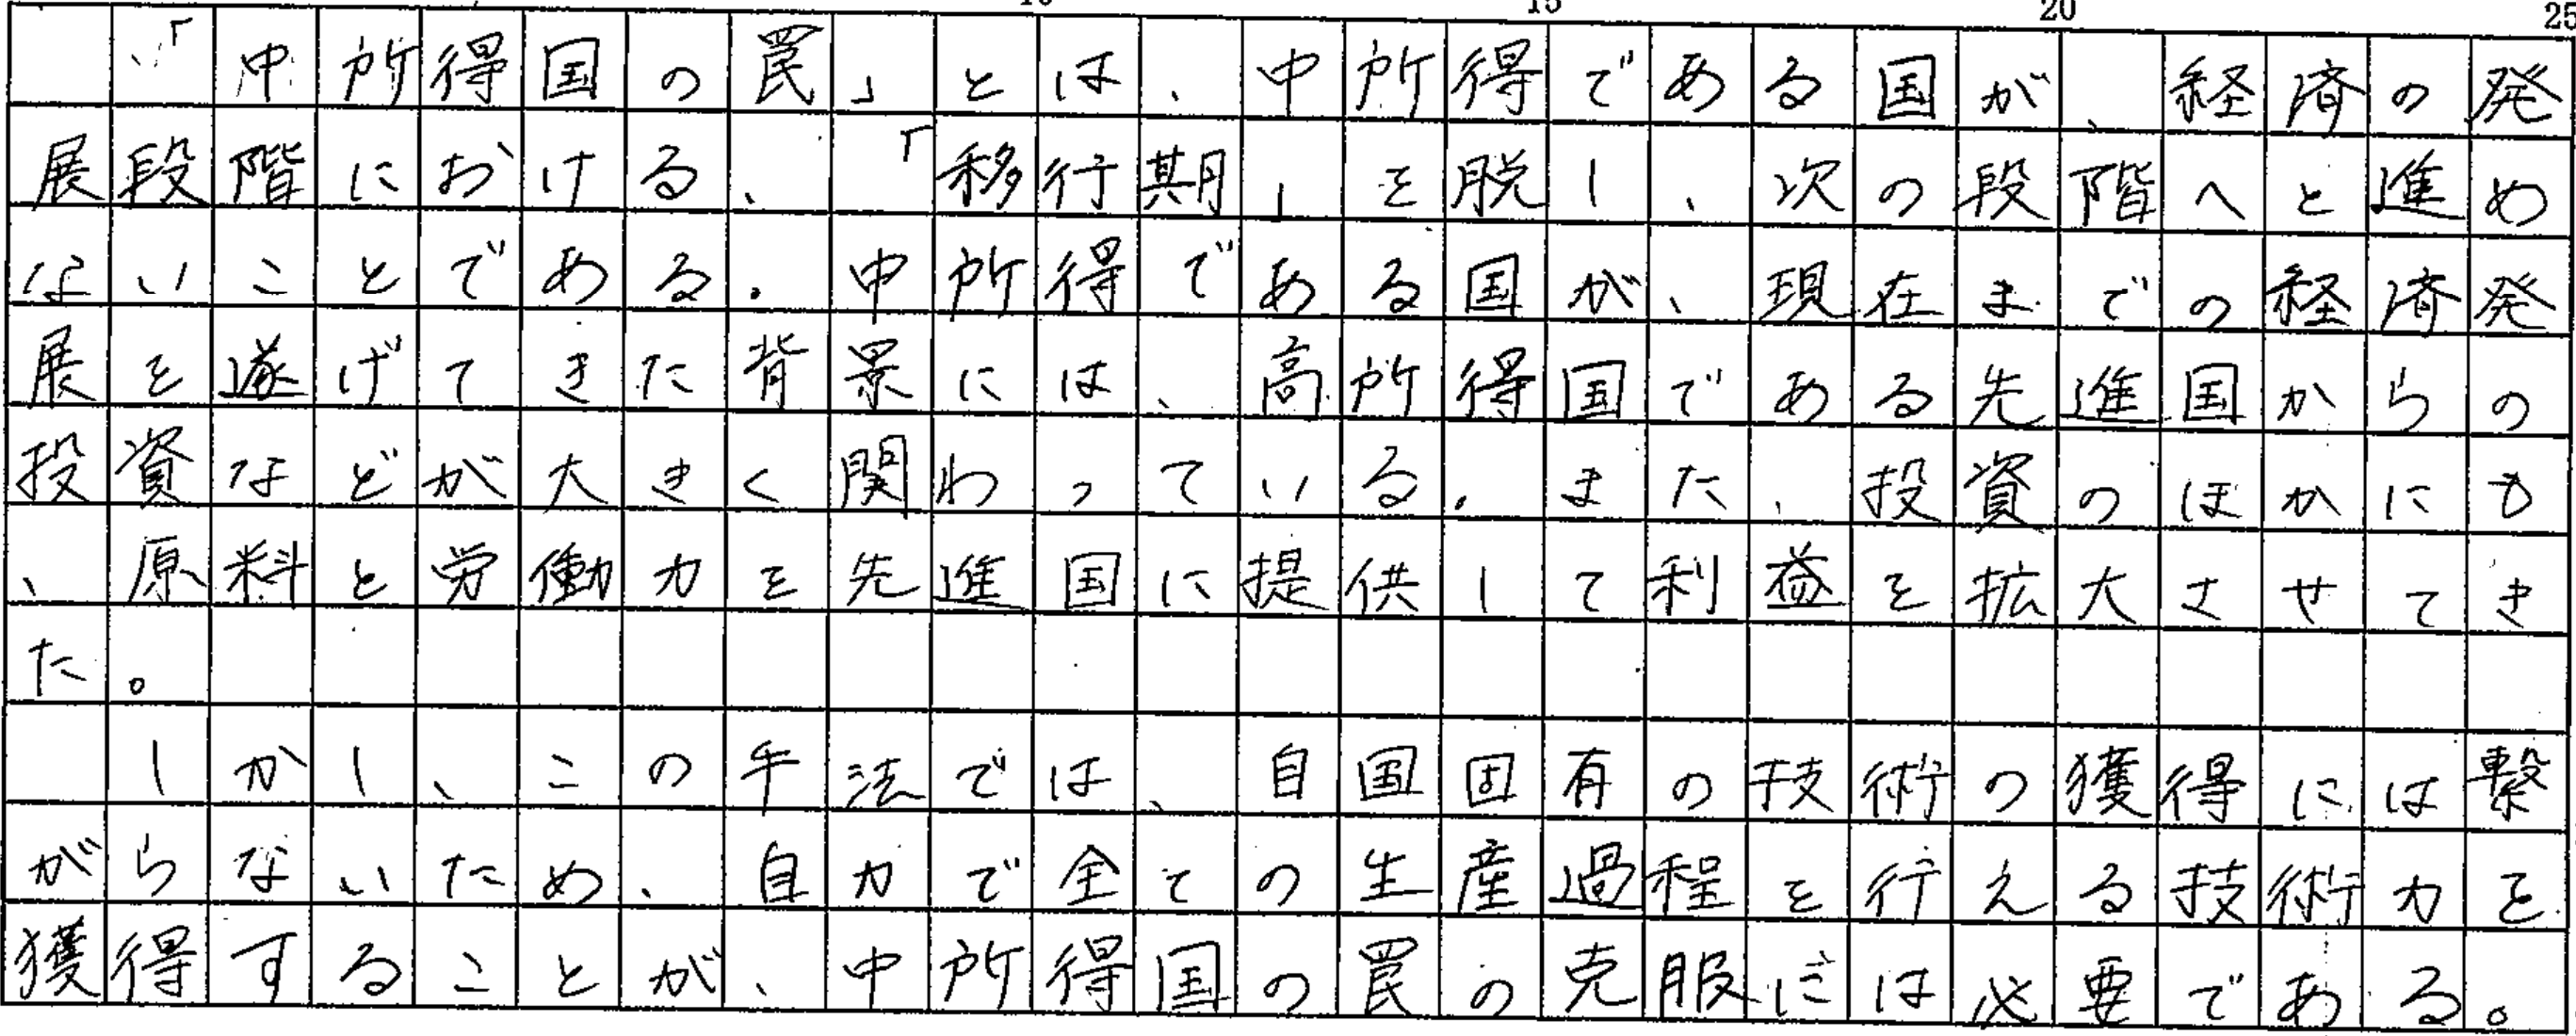　「中所得国の罠」とは、中所得である国が、経済の発展段階における、「移行期」を脱し、次の段階へと進めないことである。中所得である国が、現在までの経済発展を遂げてきた背景には、高所得国である先進国からの投資などが大きく関わっている。また、投資のほかにも、原料と労働力を先進国に提供して利益を拡大させてきた。
　しかし、この手法では、自国固有の技術の獲得には繋がらないため、自力で全ての生産過程を行える技術力を獲得することが、中所得国の罠の克服には必要である。
